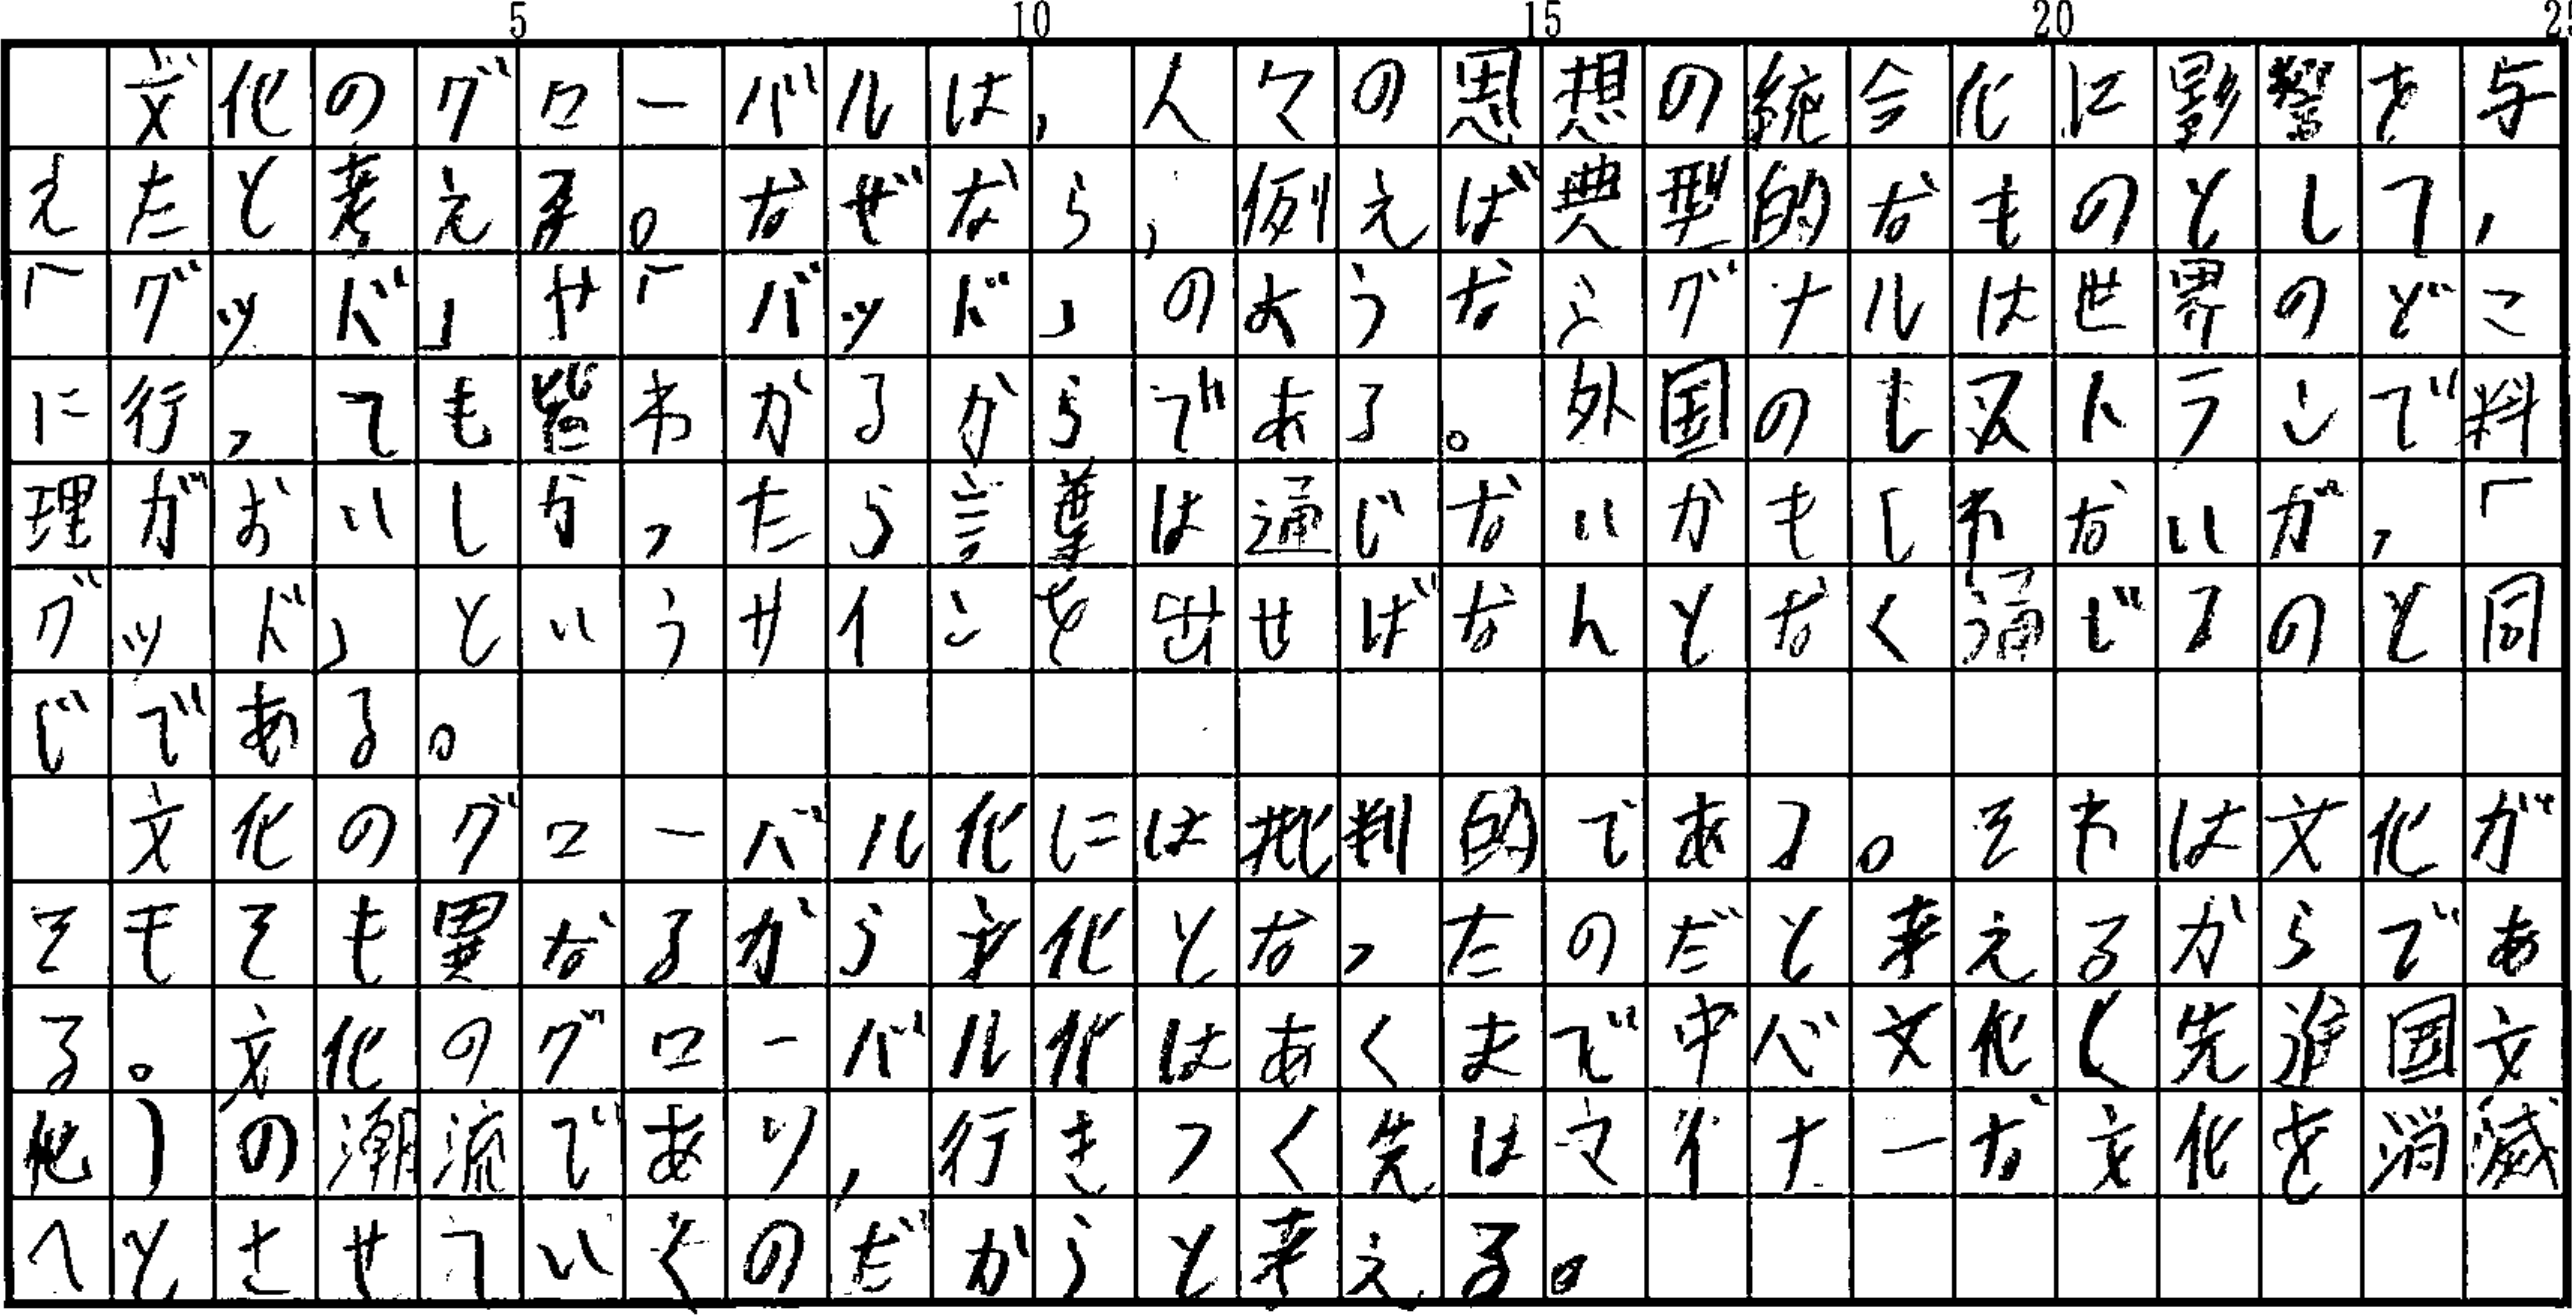　文化のグローバルは、人々の思想の統合化に影響を与えたと考える。なぜなら、例えば典型的なものとして、「グッド」や「バッド」のようなシグナルは世界のどこに行っても皆わかるからである。外国のレストランで料理がおいしかったら言葉は通じないかもしれないが、「グッド」というサインを出せばなんとなく通じるのと同じである。
　文化のグローバル化には批判的である。それは文化がそもそも異なるから文化となったのだと考えるからである。文化のグローバル化はあくまで中心文化（先進国文化）の潮流であり、行きつく先はマイナーな文化を消滅へとさせていくのだからと考える。
